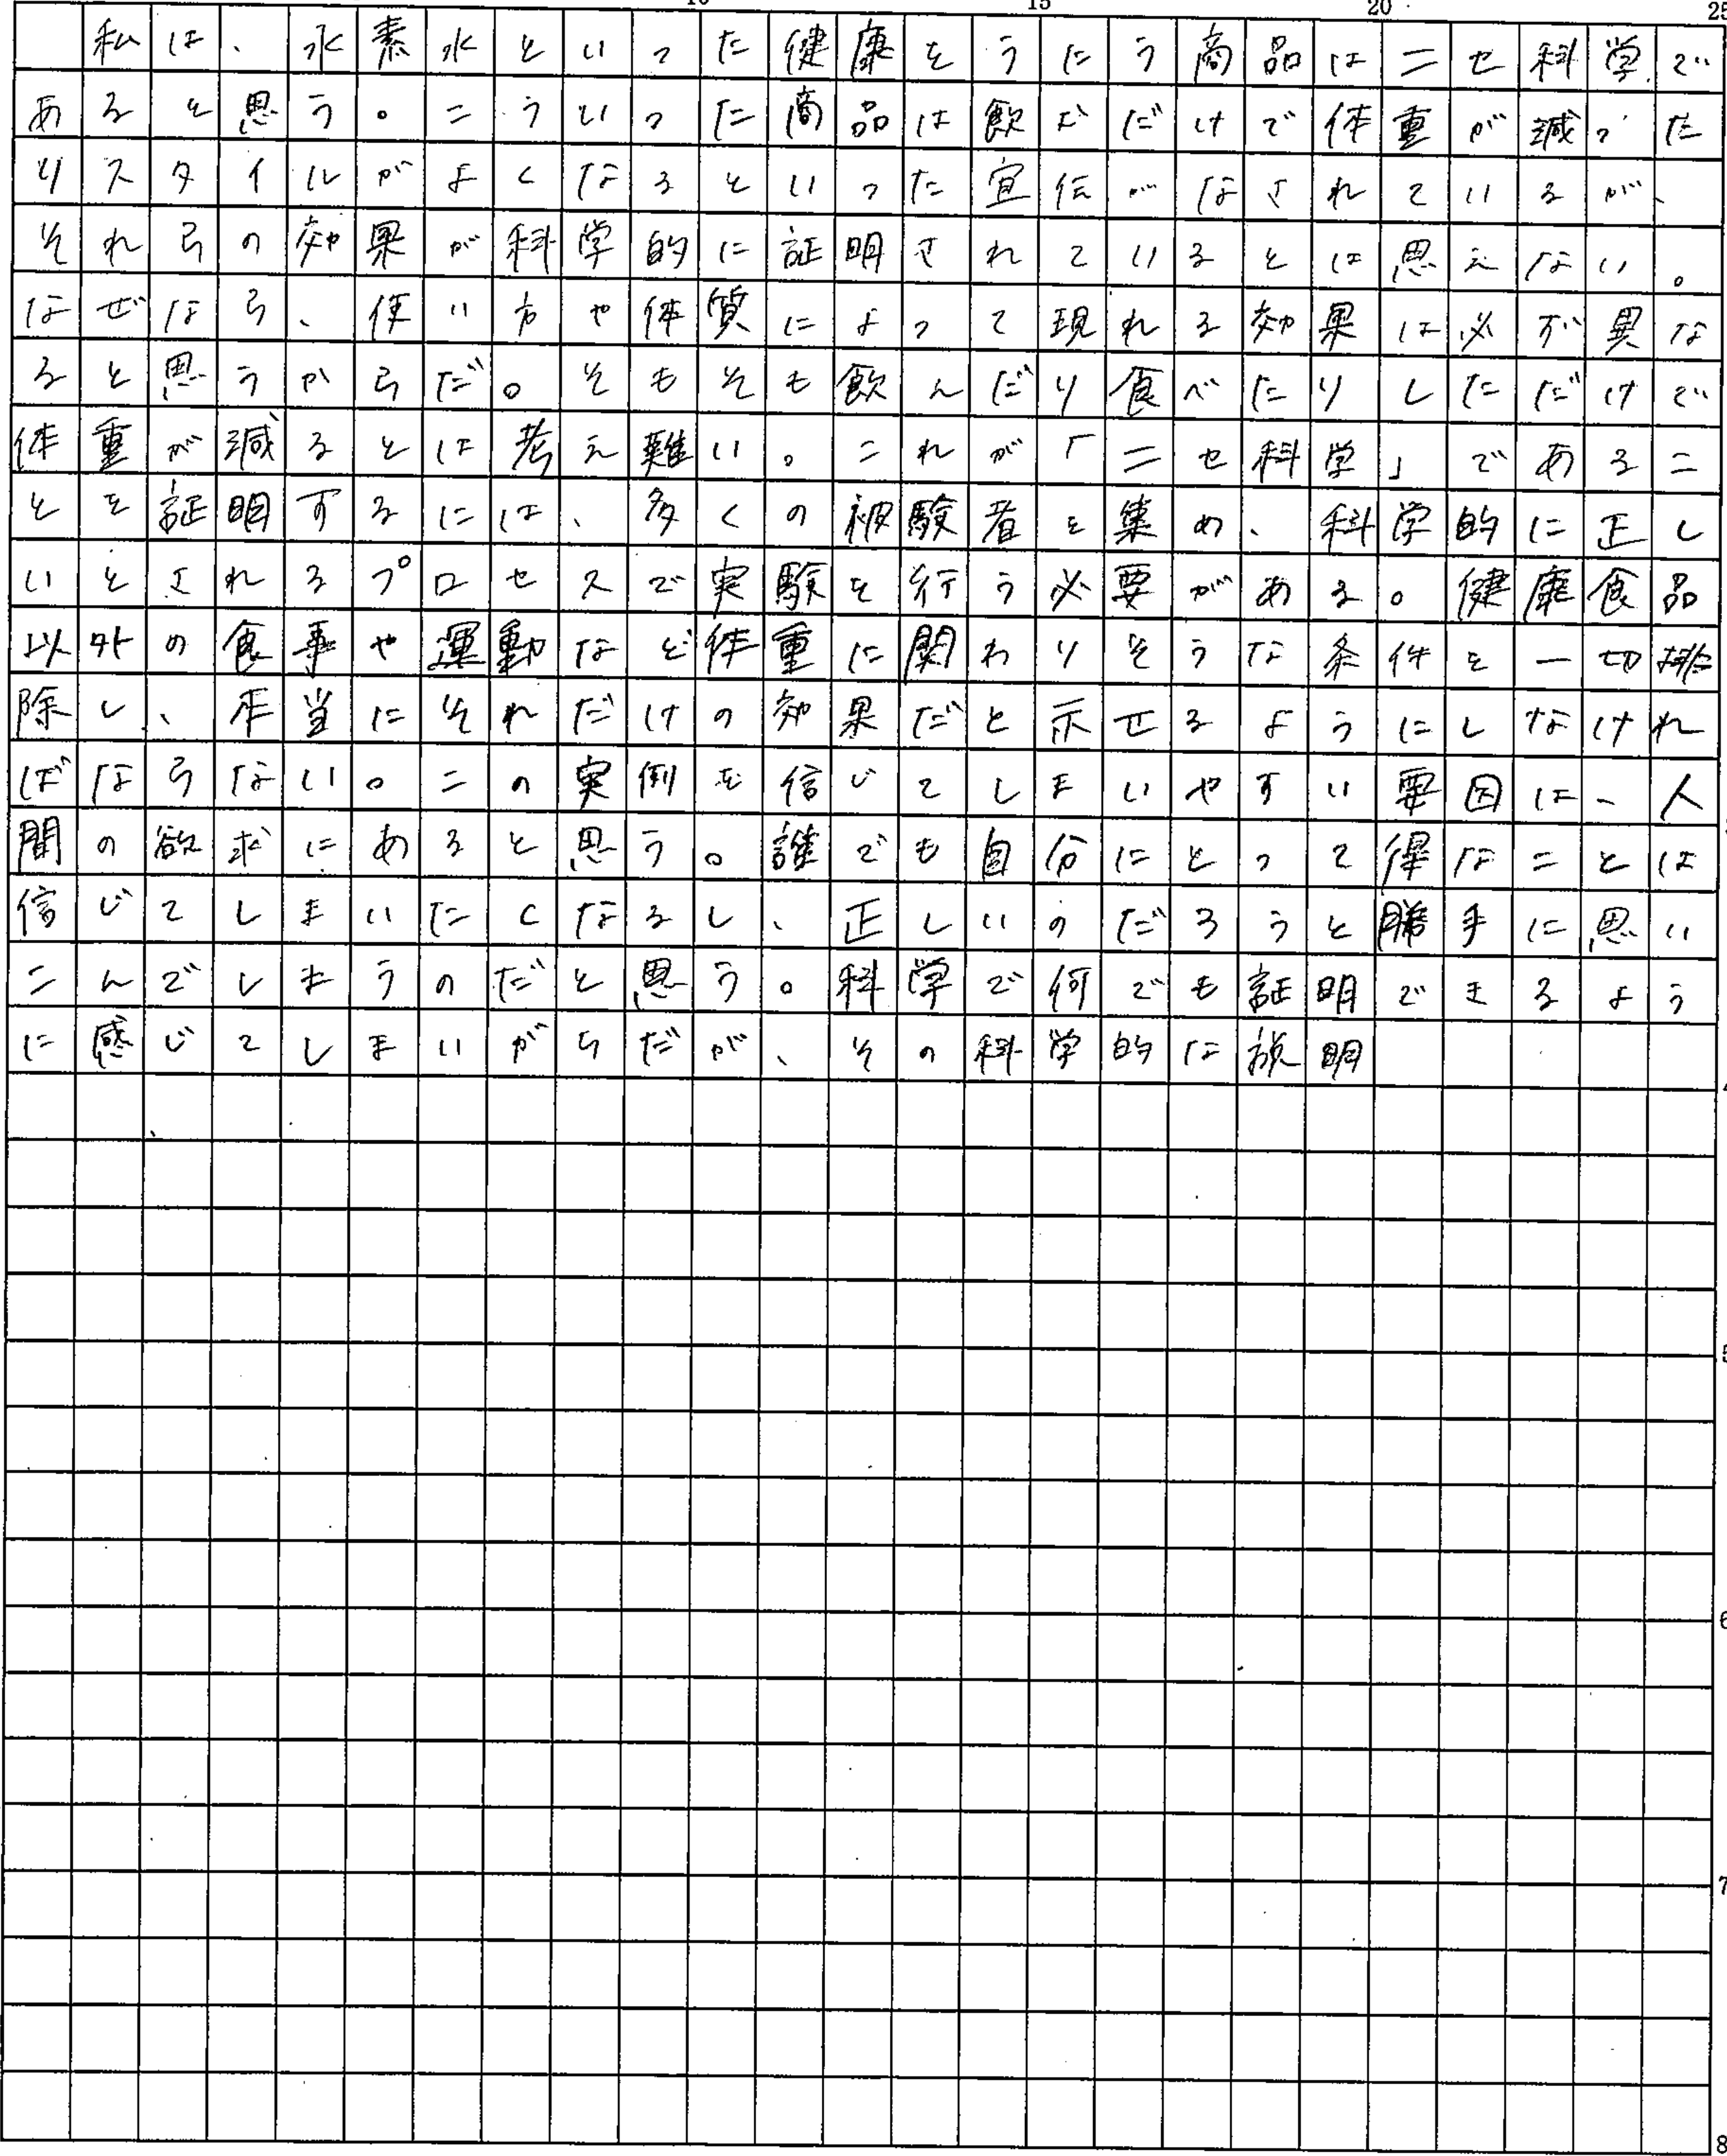　私は、水素水といった健康をうたう商品はニセ科学であると思う。こういった商品は飲むだけで体重が減ったりスタイルがよくなるといった宣伝がなされているが、それらの効果が科学的に証明されているとは思えない。なぜなら、使い方や体質によって現れる効果は必ず異なると思うからだ。そもそも飲んだり食べたりしただけで体重が減るとは考え難い。これが「ニセ科学」であることを証明するには、多くの被験者を集め、科学的に正しいとされるプロセスで実験を行う必要がある。健康食品以外の食事や運動など体重に関わりそうな条件を一切排除し、本当にそれだけの効果だと示せるようにしなければならない。この実例を信じてしまいやすい要因は、人間の欲求にあると思う。誰でも自分にとって得なことは信じてしまいたくなるし、正しいのだろうと勝手に思いこんでしまうのだと思う。科学で何でも証明できるように感じてしまいがちだが、その科学的な説明
